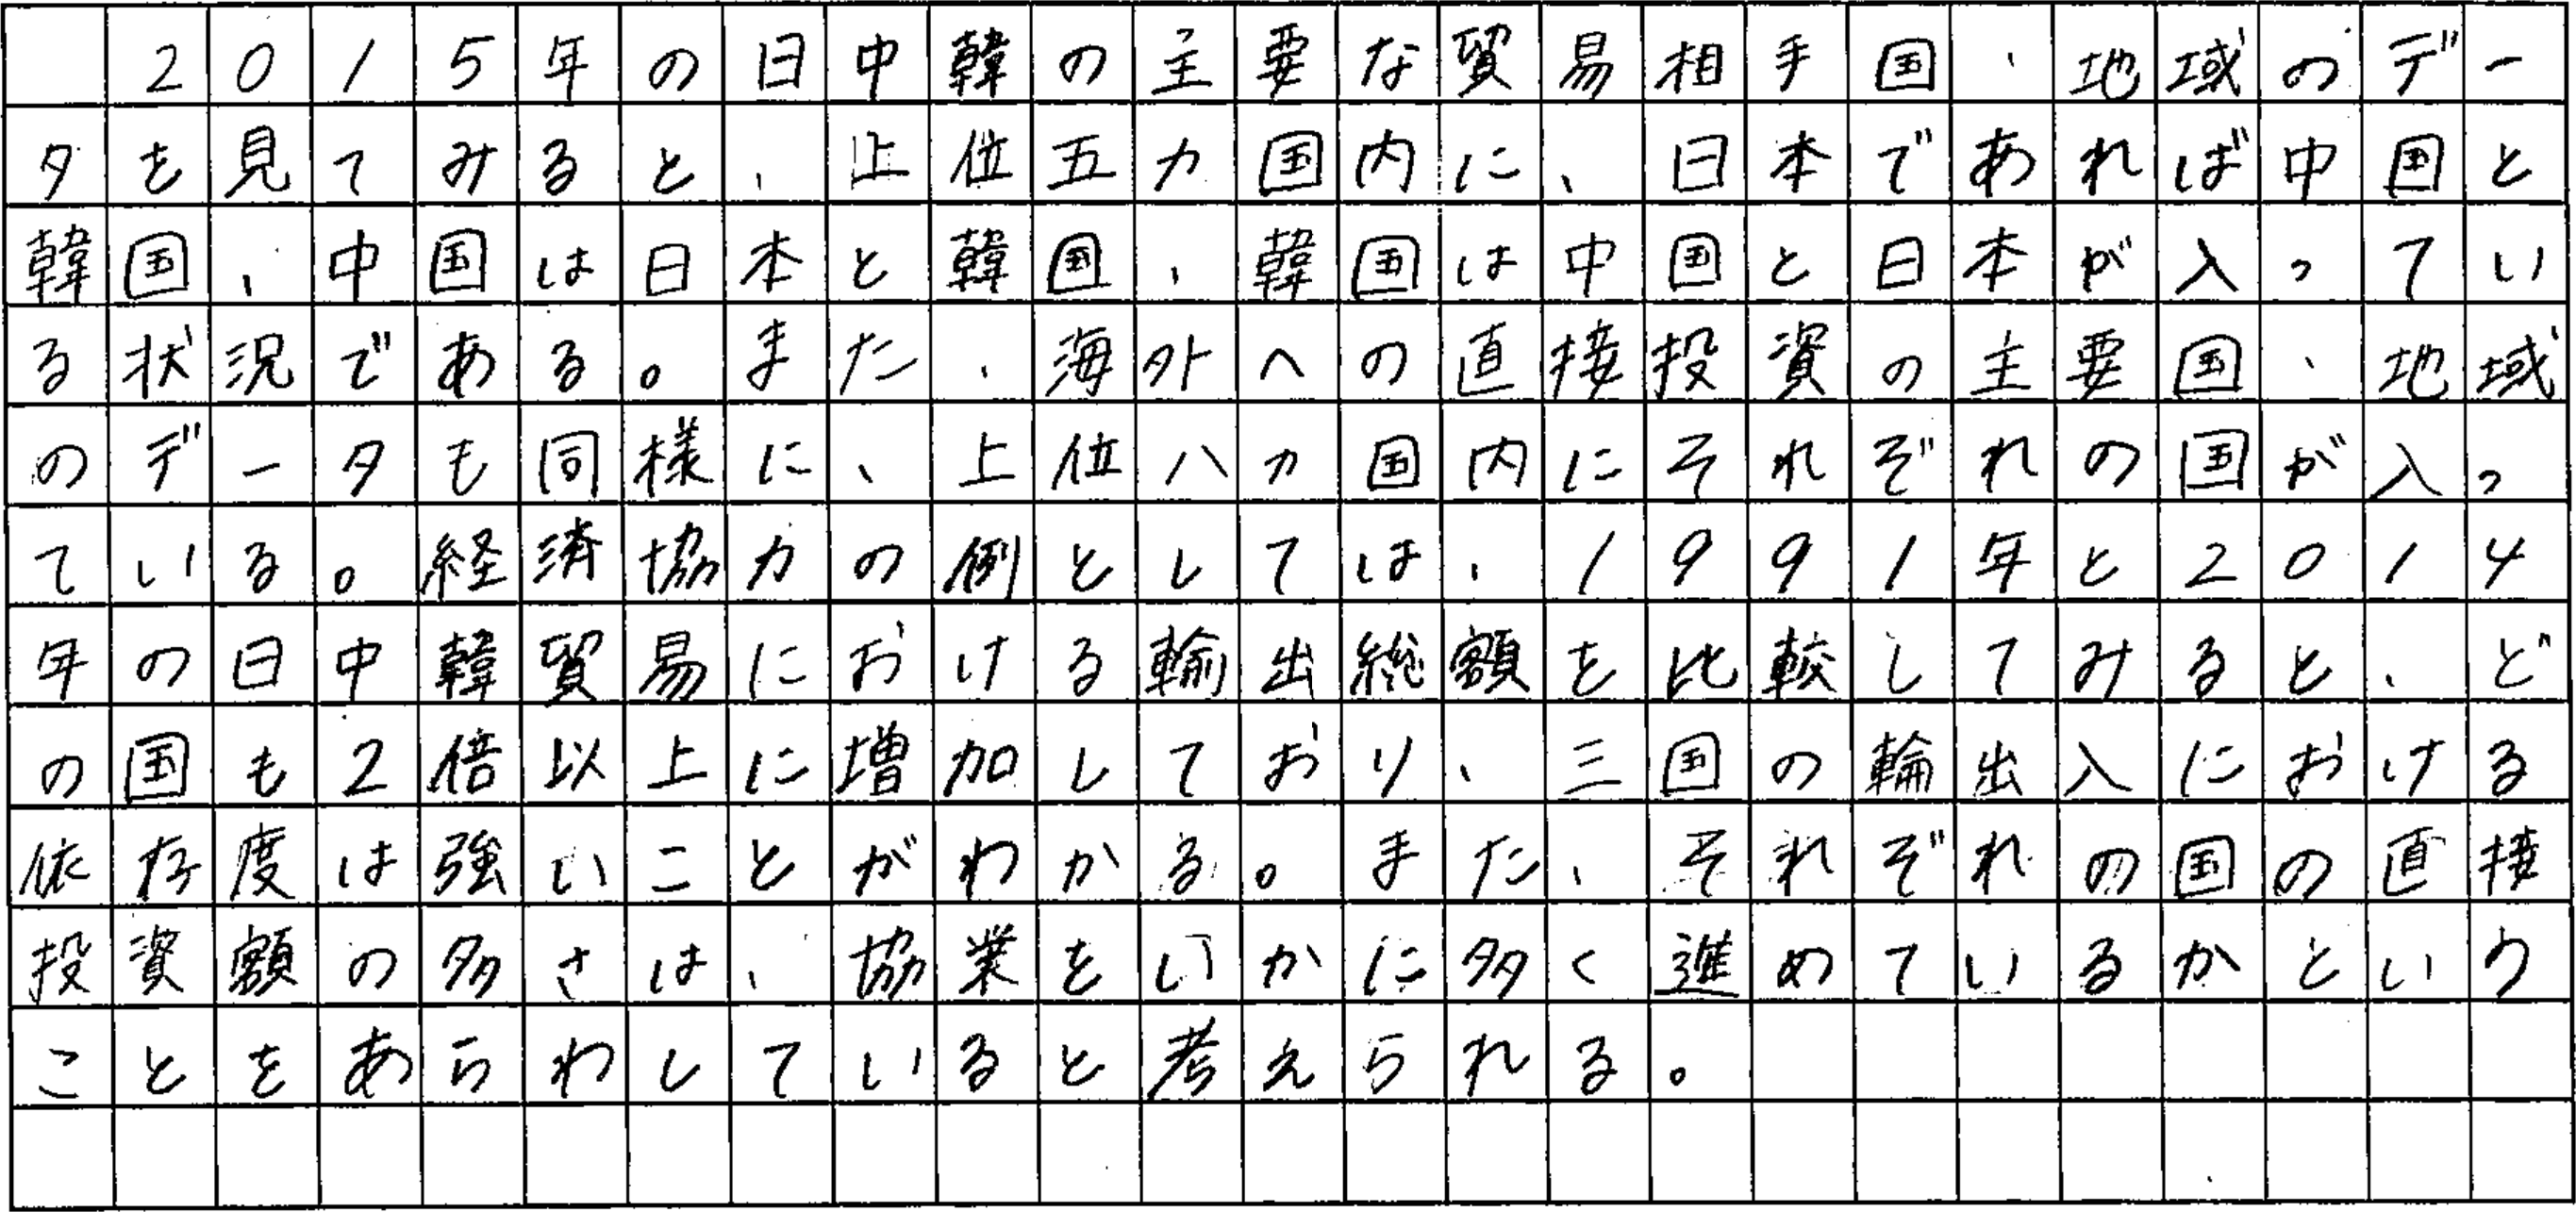　２０１５年の日中韓の主要な貿易相手国・地域のデータを見てみると、上位五カ国内に、日本であれば中国と韓国、中国は日本と韓国、韓国は中国と日本が入っている状況である。また、海外への直接投資の主要国・地域のデータも同様に、上位八カ国内にそれぞれの国が入っている。経済協力の例としては、１９９１年と２０１４年の日中韓貿易における輸出総額を比較してみると、どの国も２倍以上に増加しており、三国の輪出入における依存度は強いことがわかる。また、それぞれの国の直接投資額の多さは、協業をいかに多く進めているかということをあらわしていると考えられる。
